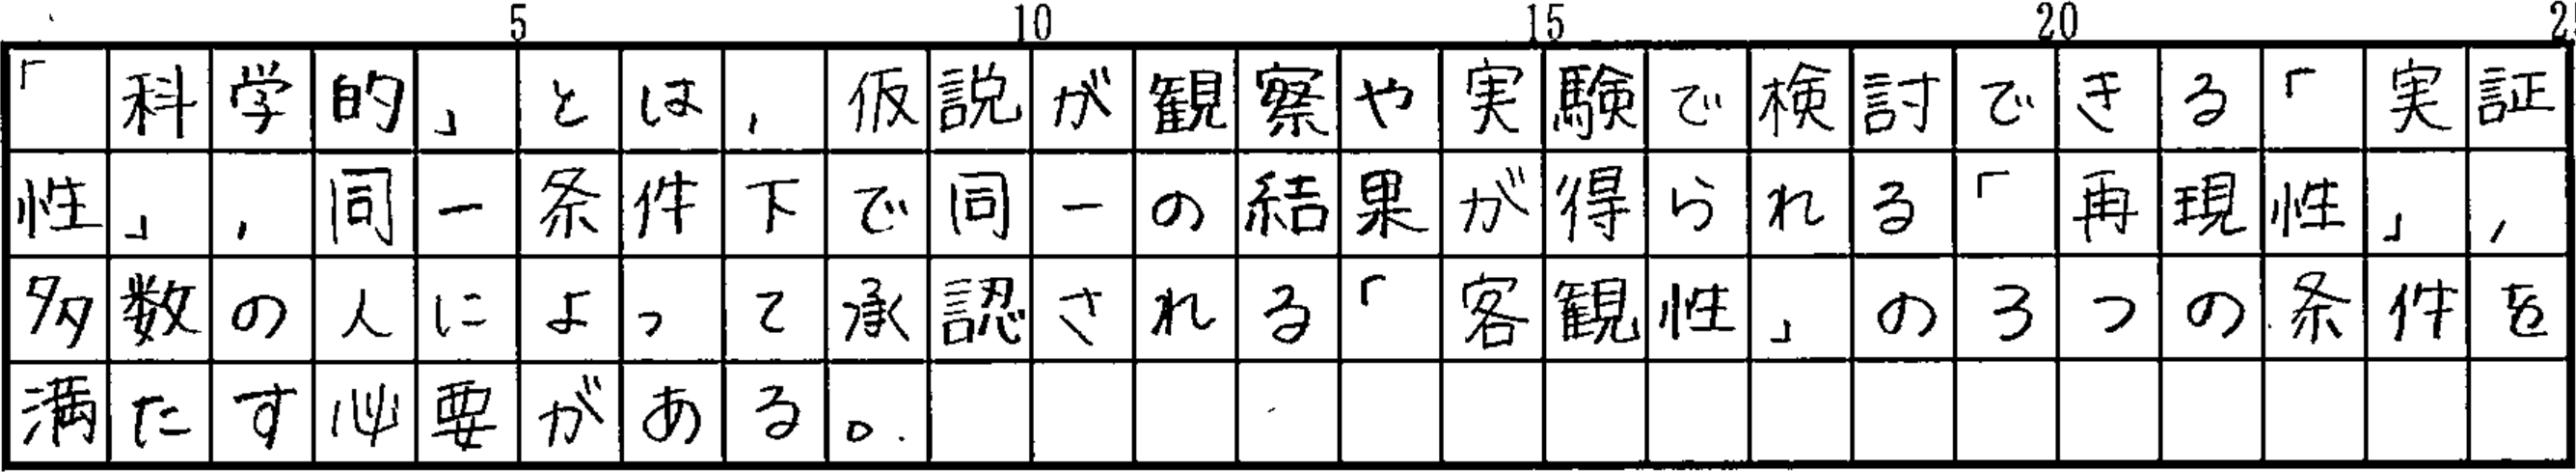「科学的」とは、仮説が観察や実験で検討できる「実証性」、同一条件下で同一の結果が得られる「再現性」、多数の人によって承認される「客観性」の３つの条件を満たす必要がある。
